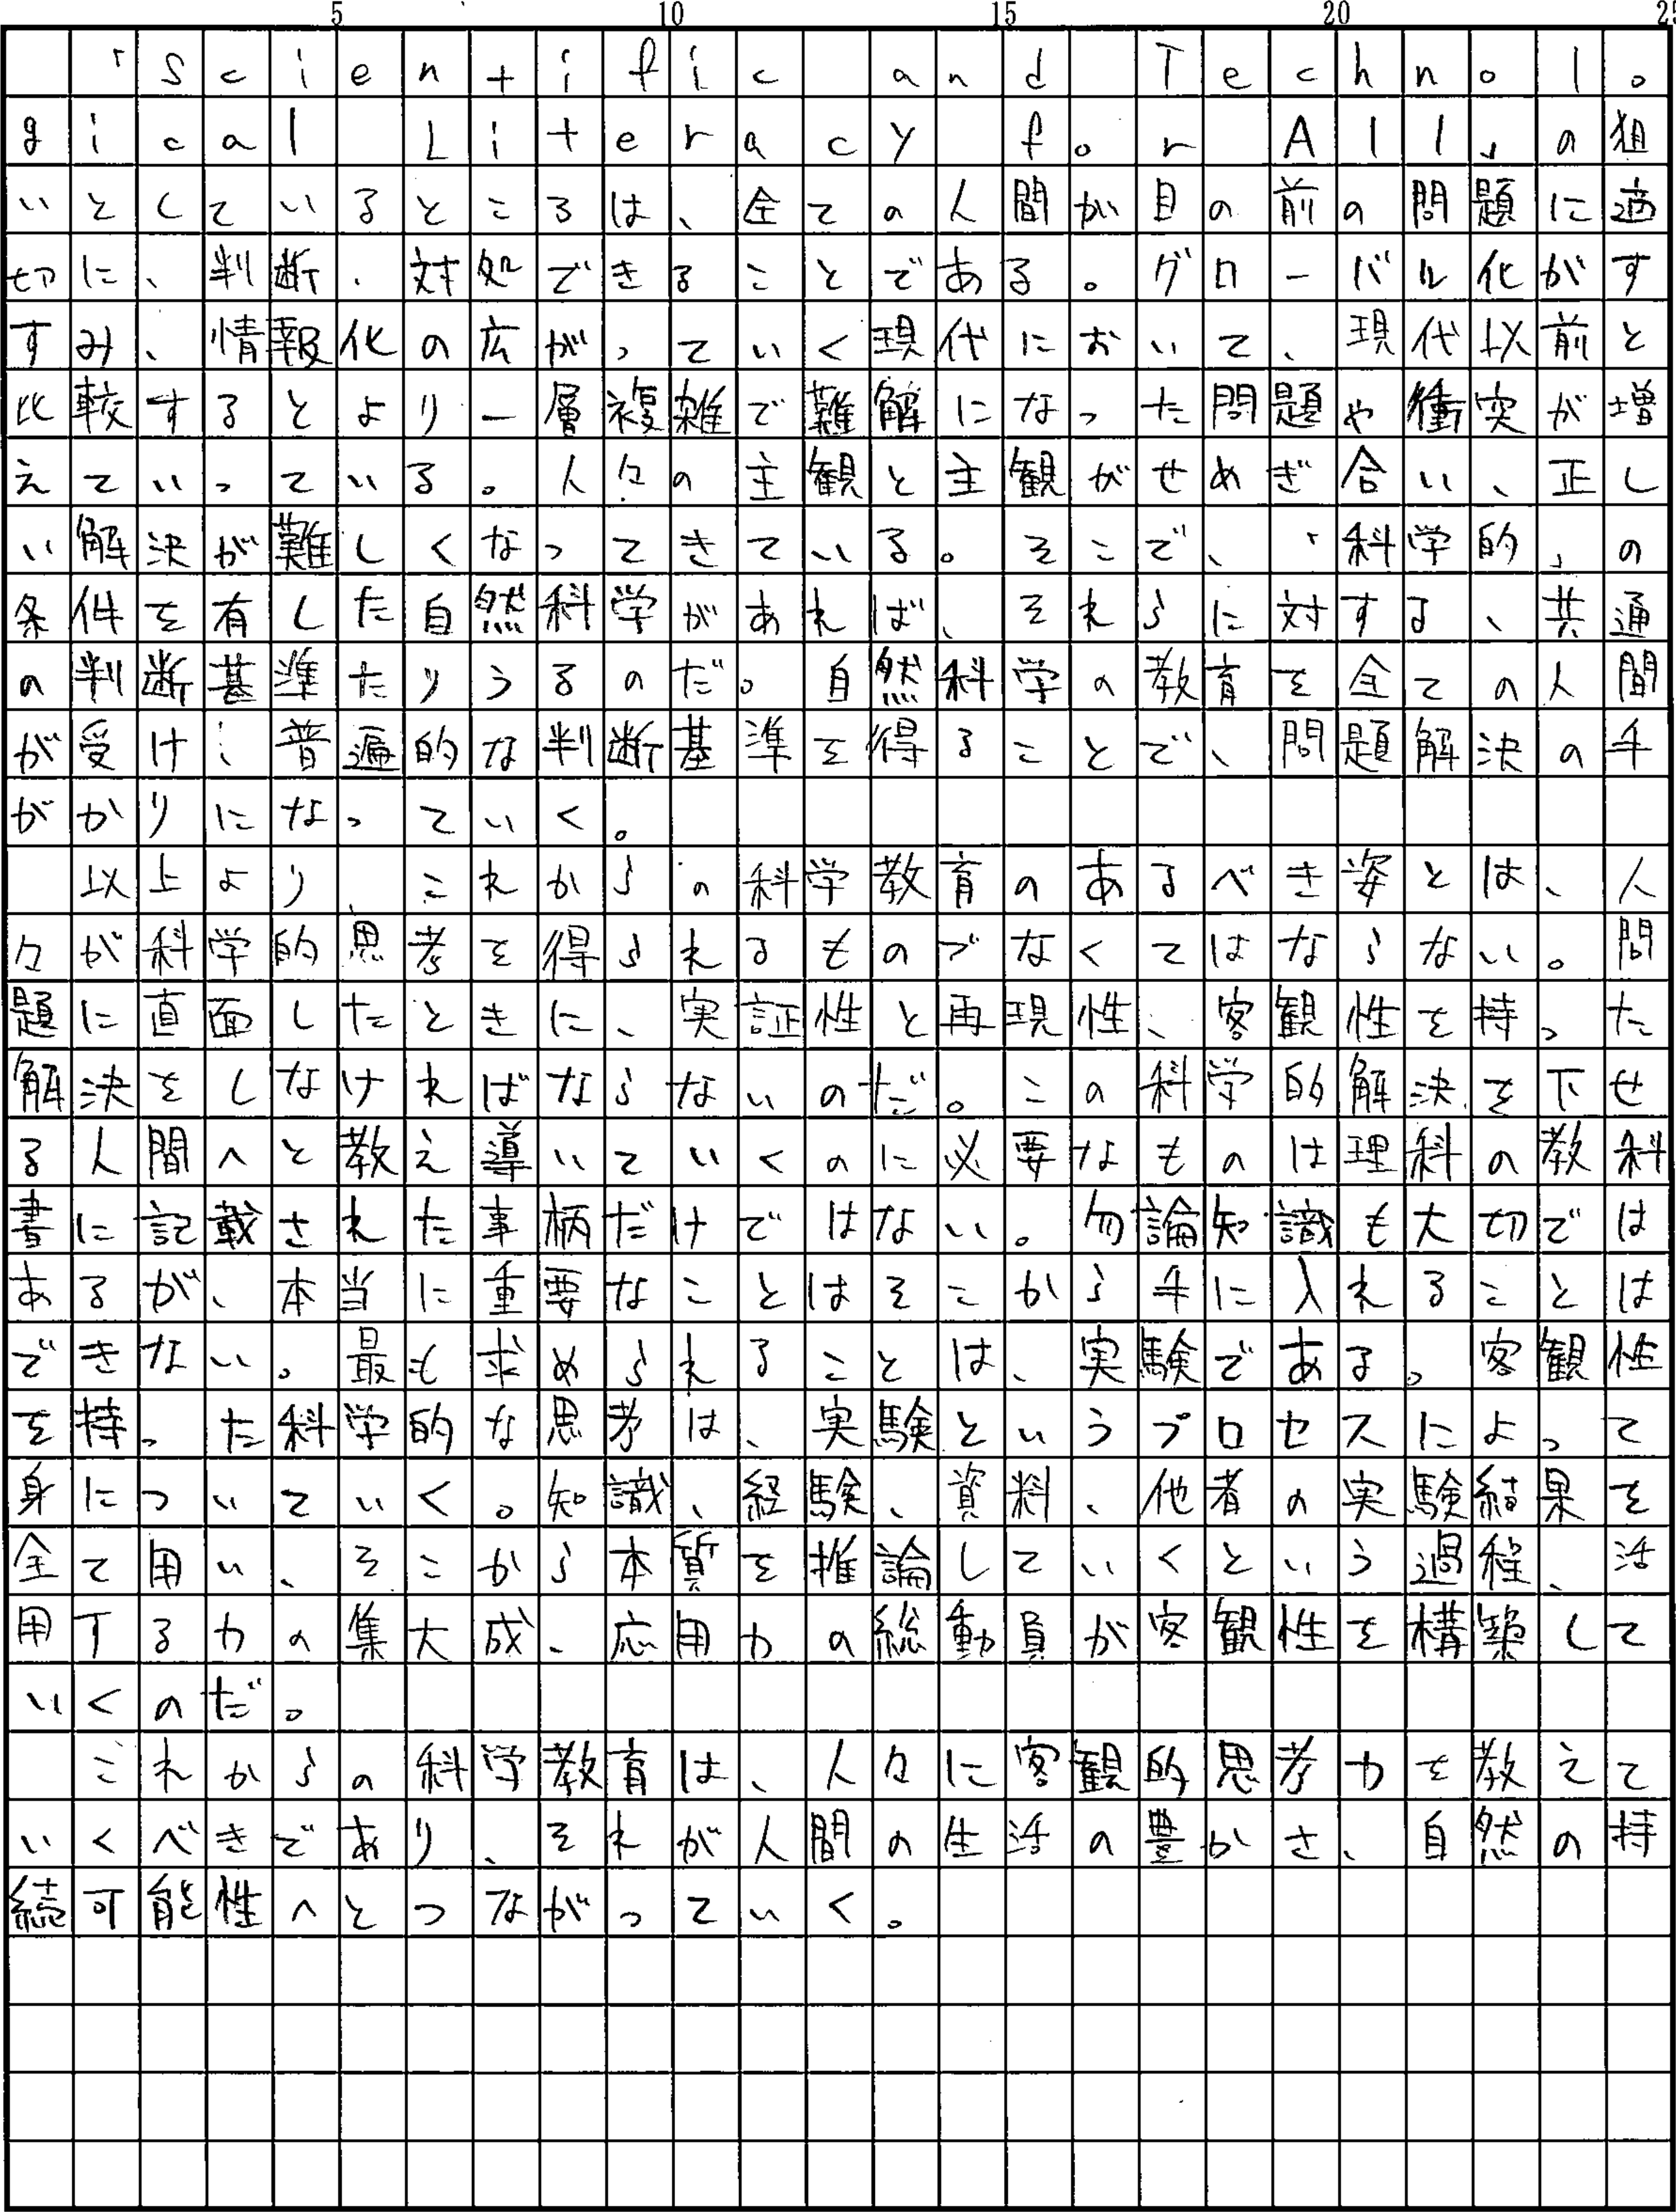　「Ｓｃｉｅｎｔｉｆｉｃ　ａｎｄ　Ｔｅｃｈｎｏｌｏｇｉｃａｌ　Ｌｉｔｅｒａｃｙ　ｆｏｒ　Ａｌｌ」の狙いとしているところは、全ての人間が目の前の問題に適切に、判断、対処できることである。グローバル化がすすみ、情報化の広がっていく現代において、現代以前と比較するとより一層複雑で難解になった問題や衝突が増えていっている。人々の主観と主観がせめぎ合い、正しい解決が難しくなってきている。そこで、「科学的」の条件を有した自然科学があれば、それらに対する、共通の判断基準たりうるのだ。自然科学の教育を全ての人間が受け、普遍的な判断基準を得ることで、問題解決の手がかりになっていく。
　以上より、これからの科学教育のあるべき姿とは、人々が科学的思考を得られるものでなくてはならない。問題に直面したときに、実証性と再現性、客観性を持った解決をしなければならないのだ。この科学的解決を下せる人間へと教え導いていくのに必要なものは理科の教科書に記載された事柄だけではない。勿論知識も大切ではあるが、本当に重要なことはそこから手に入れることはできない。最も求められることは、実験である。客観性を持った科学的な思考は、実験というプロセスによって身についていく。知識、経験、資料、他者の実験結果を全て用い、そこから本質を推論していくという過程、活用する力の集大成、応用力の総動員が客観性を構築していくのだ。
　これからの科学教育は、人々に客観的思考力を教えていくべきであり、それが人間の生活の豊かさ、自然の持続可能性へとつながっていく。
